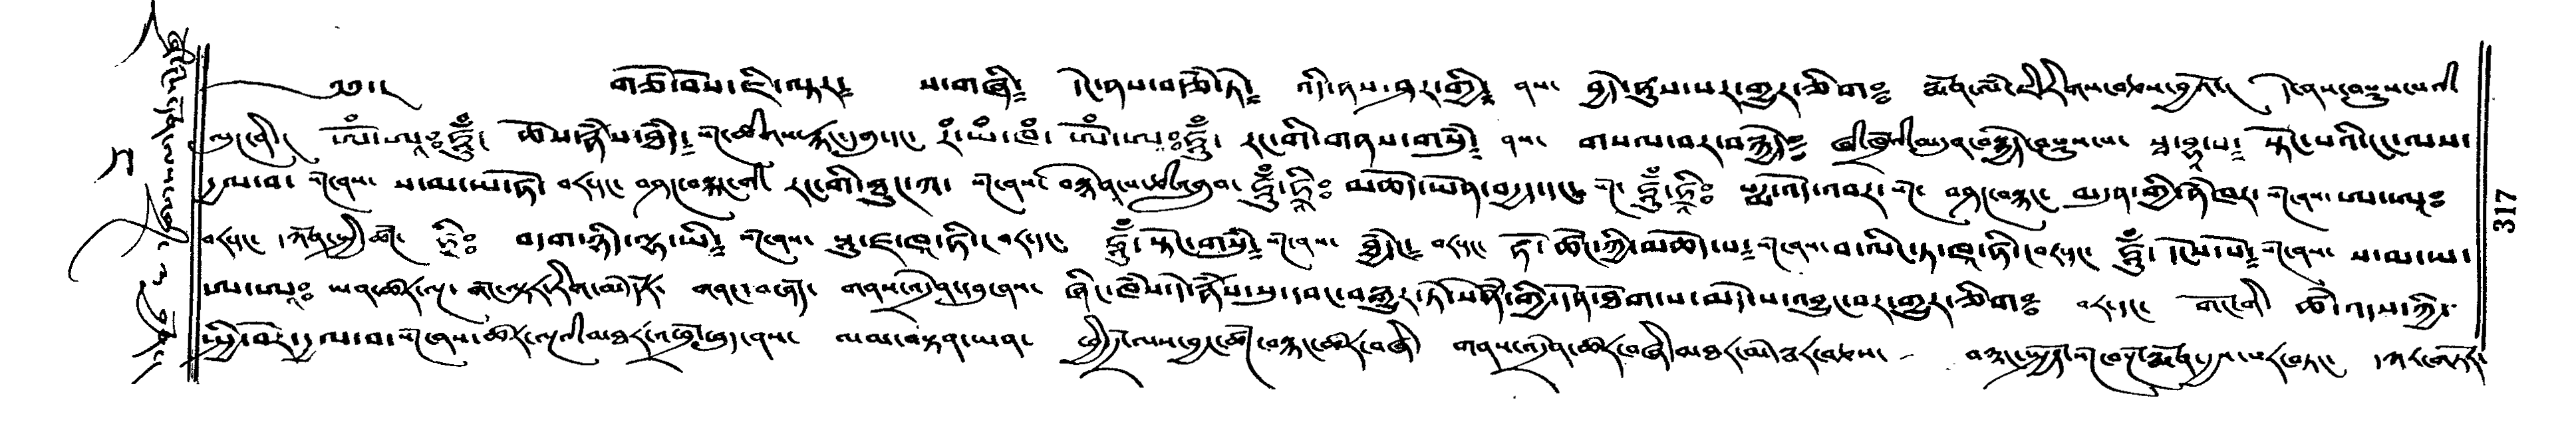གཙོ་བོར་ཇི་ལྟར༴ ས་གཞི། དེང་ནས་བརྩམས་ཏེ༴ འདི་ནས་ཤར་གྱི༴ ནས། བྱེད་ནུས་པར་གྱུར་ཅིག༔ སྨོན་ལམ་ཇི་རིགས་བཅས་བྱའོ། །དེ་ནས་བསྡུས་པའི་
ལུགས་ནི། ཨོཾ་ཨཱཿཧཱུྃ༔ ཆོས་རྣམས་ཐམས་ཅད༴ སོགས་ཚིག་རྐང་དགུ་དང་། རྃ་ཡྃ་ཁྃ༔ ཨོཾ་ཨཱཿཧཱུྃ༔ རང་གི་གནས་གསུམ༴ ནས། གསལ་བར་བསྐྱེད༔ ཞི་ཁྲོའི་མདུན་བསྐྱེད་བསྡུས་པ། སྭ་བྷཱ་བ༴ སྟོང་པའི་ངང་ལས་
རྒྱལ་བ༴ སོགས་ནས། ས་མ་ཡ་ཧོ༔ བར་དང་། བཤགས་སྐོང་གི རང་གི་ཐུགས་ཀ༴ སོགས་ནས། སྙེན་པ་ཅི་འགྲུབ། ཧཱུྃ་ཧྲཱི༔ མཆོད་ཡོན་བརྒྱད་དང༴ སོགས། ཧཱུྃ་ཧྲཱི༔ པདྨ་འོད་འབར༴ སོགས། བཤགས་སྐོང་། མདུན་གྱི་ནམ་མཁར༴ སོགས་ནས། ཨ་ཨཱ༔ 
བར་དང་། དཀོན་སྤྱི་ཚོགས། ཧྲཱི༔ བདག་ཉིད་ལྷ་ཡི༴ སོགས་ནས། པཱུ་ཛ་ཁཱ་ཧི༔ བར་དང་། ཧཱུྃ༔ སྟོང་གསུམ༴ སོགས་ནས། ཐམས་ཅད་དང༴ བར་དང་། ཧོ༔ཚོགས་ཀྱི་མཆོད་པ༴ སོགས་ནས། བ་ལིང་ཏ་ཁཱ་ཧི༔ བར་དང་། ཧཱུྃ༔ དངོས་པོ༴ སོགས་ནས། ས་མ་ཡ་
ཨ་ཨཱ༔ ཡན་ཚར་ལྔ། གོང་ལྟར་རིག་མེ་དོར། གནང་བ་ནོད། གནས་འདྲེན་དབུ་ནས། ཞིང་ཁམས་དེ་རྣམས་སུ་དབང་བསྒྱུར་ཏེ་བསོད་ནམས་གྱི་དོན་ཐོགས་པ་མེད་པ་འབྱུང་བར་གྱུར་ཅིག༔ བར་དང་། གོང་ག ི ཚེ་འདས་ཀྱི་
སྤྱི་བོར་རྒྱལ་བ༴ སོགས་ནས་ཚར་ལྔའི་མཐར་འཕྲོ་ཐུད་ནས། ལམ་བསྟན་ཡན། ཕྱི་དྲོ་ལས་བྱང་ཚོགས་སྐོང་ཚར་བཞི། གནས་འདྲེན་ཚར་བཞི་མཐར་མེ་སྦར་བཅས། བཟང་སྤྱོད་སོགས་བསྔོ་སྨོན་རྒྱས་པར་གཏང་།དཀར་གཏོར།